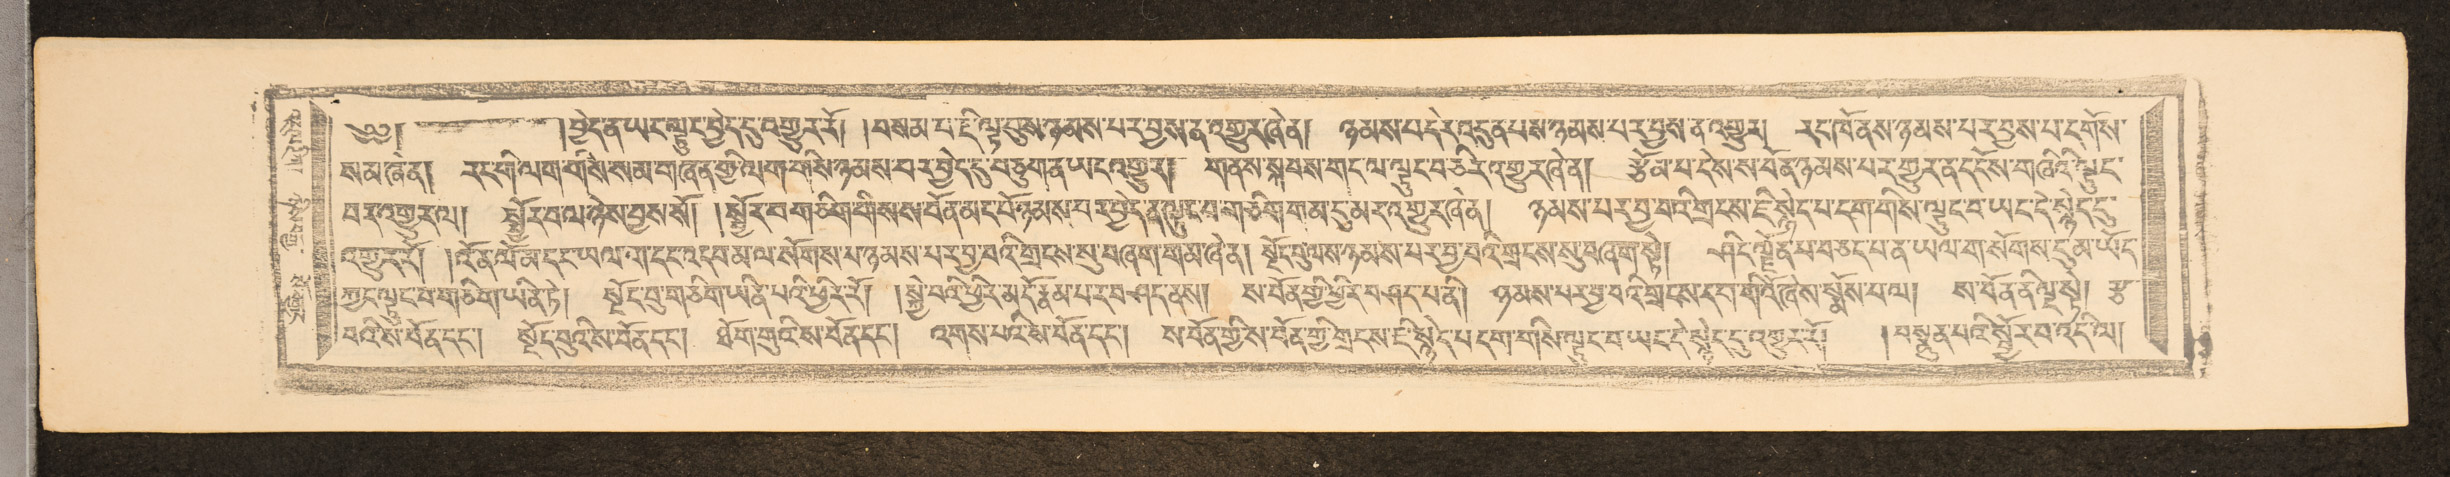༄༅། །བྱེད་ན་ཡང་ལྟུང་བྱེད་དུ་འགྱུར་རོ། །བསམ་པ་ཇི་ལྟ་བུས་ཉམས་པར་བྱས་ན་འགྱུར་ཞེ་ན། ཉམས་པ་དེར་འདུན་པས་ཉམས་བར་བྱས་ན་འགྱུར། རང་ཁོ་ནས་ཉམས་པར་བྱས་པ་དགོས་
སམ་ཞེ་ན། རང་གི་ལག་གིས་སམ་གཞན་གྱི་ལག་གིས་ཉམས་པར་བྱེད་དུ་བཅུག་ན་ཡང་འགྱུར། གནས་སྐབས་གང་ལ་ལྟུང་བ་ཅིར་འགྱུར་ཞེ་ན། རྩོམ་པ་དེས་ས་བོན་ཉམས་པར་གྱུར་ན་དངོས་གཞིའི་ལྟུང་
བར་འགྱུར་ལ། སྦྱོར་བ་ལ་ཉེས་བྱས་སོ། །སྦྱོར་བ་གཅིག་གིས་ས་བོན་མང་པོ་ཉམས་པར་བྱེད་ན་ལྟུང་བ་གཅིག་གམ་དུ་མར་འགྱུར་ཞེ་ན། ཉམས་བར་བྱ་བའི་གྲངས་ཇི་སྙེད་པ་དག་གིས་ལྟུང་བ་ཡང་དེ་སྙེད་དུ་
འགྱུར་རོ། །འོ་ན་ལོ་མ་དང་ཡལ་ག་དང་འདབ་མ་ལ་སོགས་པ་ཉམས་པར་བྱ་བའི་གྲངས་སུ་བཞག་གམ་ཞེ་ན། སྡོང་བུ་ལས་ཉམས་པར་བྱ་བའི་གྲངས་སུ་བཞག་སྟེ། ཤིང་ལྗོན་པ་བཅད་པ་ན་ཡལ་ག་སོགས་དུ་མ་ཡོད་
ཀྱང་ལྟུང་བ་གཅིག་ཡིན་ཏེ། སྡོང་བུ་གཅིག་ཡིན་པའི་ཕྱིར་རོ། །སྐྱེ་བའི་ཕྱིར་མདོ་རྣམ་པར་བཤད་ནས། ས་བོན་གྱི་ཕྱིར་བཤད་པ་ནི། ཉམས་བར་བྱ་བའི་གྲངས་དག་གིའོ་ཞེས་སྨོས་པ་ལ། ས་བོན་ནི་ལྔ་སྟེ། རྩ་
བའི་ས་བོན་དང་། སྡོང་བུའི་ས་བོན་དང་། ཐོག་གུའི་ས་བོན་དང་། འགས་བའི་ས་བོན་དང་། ས་བོན་གྱི་ས་བོན་གྱི་གྲངས་ཇི་སྙེད་པ་དག་གིས་ལྟུང་བ་ཡང་དེ་སྙེད་དུ་འགྱུར་རོ། །བསྣུན་པའི་སྦྱོར་བ་འདི་ལ།